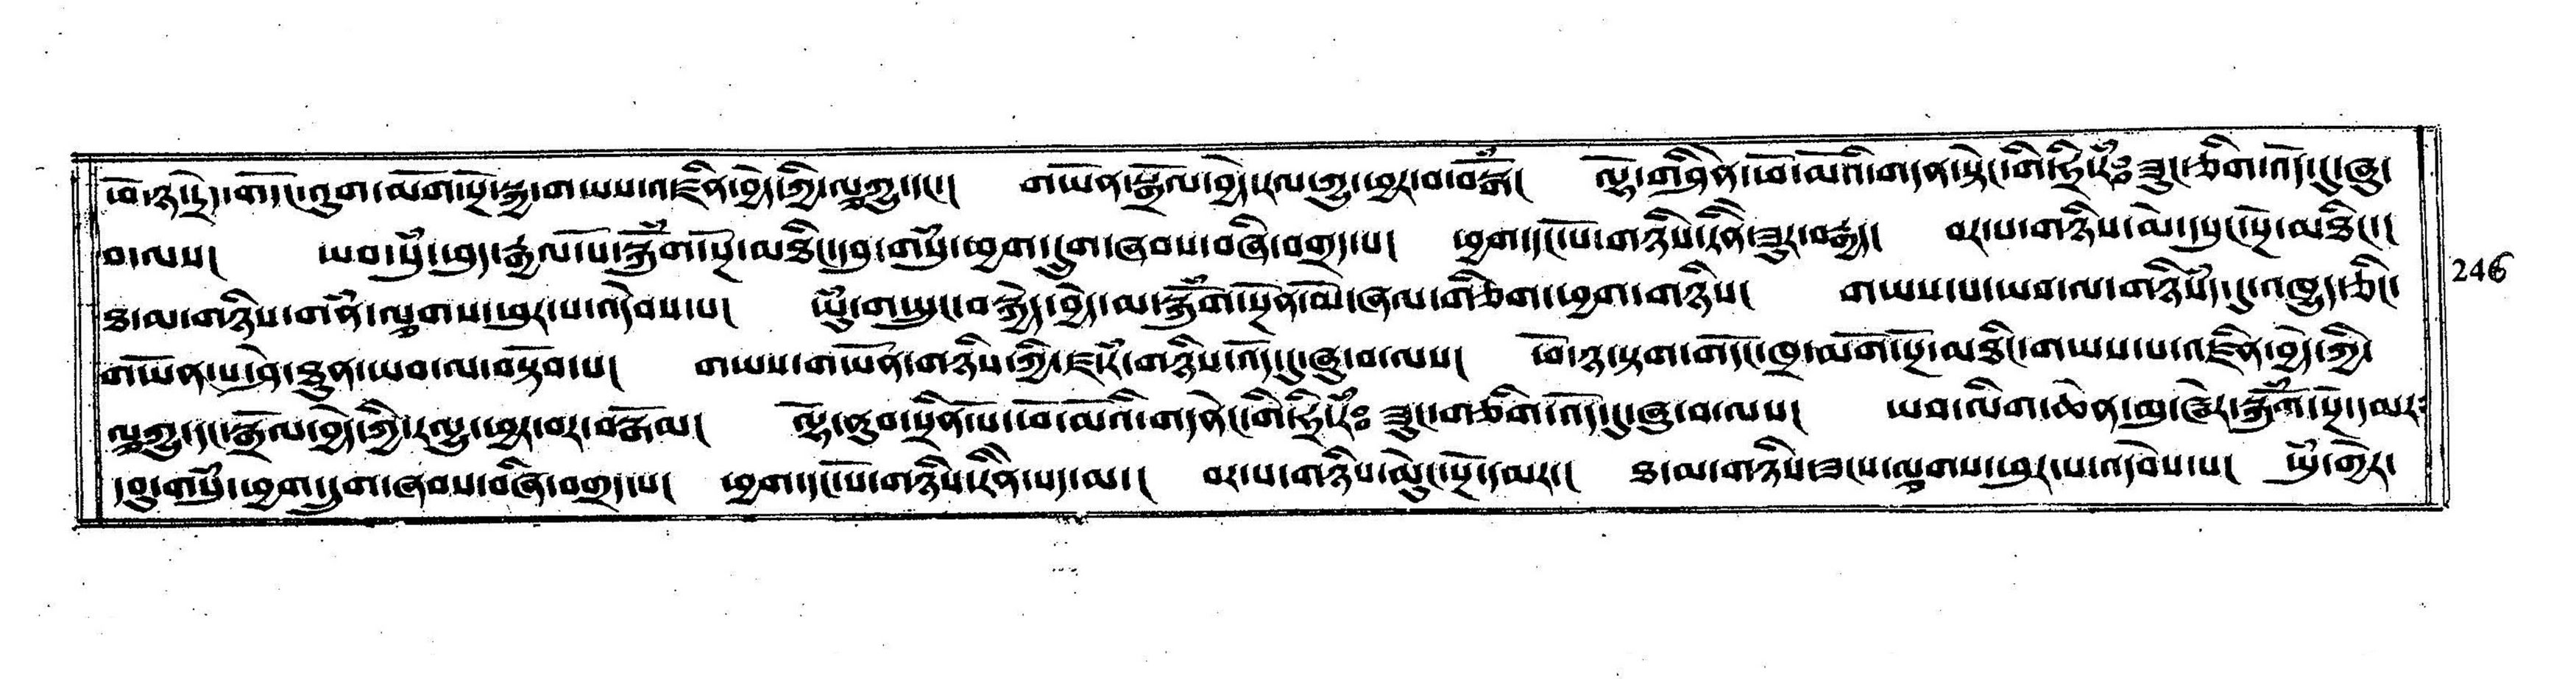ཕོ་ཉ་དྲེད་གདོང་འུག་མགོ་སྔོ་སྐྱ་གཡས་འཛིན་བྱེད་ཀྱི་ལྕག་ཀྱུ་དང་། གཡོན་སྒྲོལ་བྱེད་རལ་ཀྱུ་ཕྱར་བ་བསྒོམ། ལྷོ་གཤིན་རྗེ་ཕོ་མོའི་གདན་སྟེང་གི་ཧྲི་རཾཿཟུང་ཅིག་འོད་དུ་ཞུ་
བ་ལས། ཡབ་སུམ་ཕུད་རྒྱལ་པོ་སྐུ་མདོག་སྔོ་མཐིང་དབུ་གསུམ་ཕྱག་དྲུག་ཞབས་བཞི་བགྲད་པ། ཕྱག་དང་པོ་གཉིས་རིན་ཆེན་ཟུར་བརྒྱད། བར་པ་གཉིས་མེ་དཔུང་སྔོ་མཐིང་། 
ཐ་མ་གཉིས་གནམ་ལྕགས་ཕུར་པ་འདེབས་པ། ཡུམ་གཡུང་དྲུང་སྐྱེད་བྱེད་མ་སྐུ་མདོག་སྔོན་མོ་ཞལ་གཅིག་ཕྱག་གཉིས། གཡས་པ་ཡབ་ལ་གཉིས་མེད་དུ་འཁྱུད་ཅིང་
གཡོན་པ་ཤེ་ཐུན་ཡབ་ལ་བསྟོབ་པ། གཡས་གཡོན་གཉིས་ཀྱི་ཛ་རམ་གཉིས་འོད་དུ་ཞུ་བ་ལས། ཕོ་ཉ་སྟག་གདོང་ཁྲ་མགོ་སྔོ་མཐིང་གཡས་པ་འཛིན་བྱེད་ཀྱི་
ལྕག་ཀྱུ་དང་སྒྲོལ་བྱེད་ཀྱི་རལ་ཀྱུ་ཕྱར་བར་བསྒོམ། ལྷོ་ནུབ་སྲིན་པོ་ཕོ་མོའི་གདན་སྟེང་གི་ཧྲི་རཾཿཟུང་གཅིག་འོད་དུ་ཞུ་བ་ལས། ཡབ་ལིག་ཆེན་མུ་ཝེར་སྐུ་མདོག་སྔོ་དམར་
དབུ་གསུམ་ཕྱག་དྲུག་ཞབས་བཞི་བགྲད་པ། ཕྱག་དང་པོ་གཉིས་རིན་ཆེན་པད་མ། བར་པ་གཉིས་མེ་དཔུང་སྔོ་དམར། ཐ་མ་གཉིས་ཟངས་ལྕགས་ཕུར་པ་འདེབས་པ། ཡུམ་གྱེར་